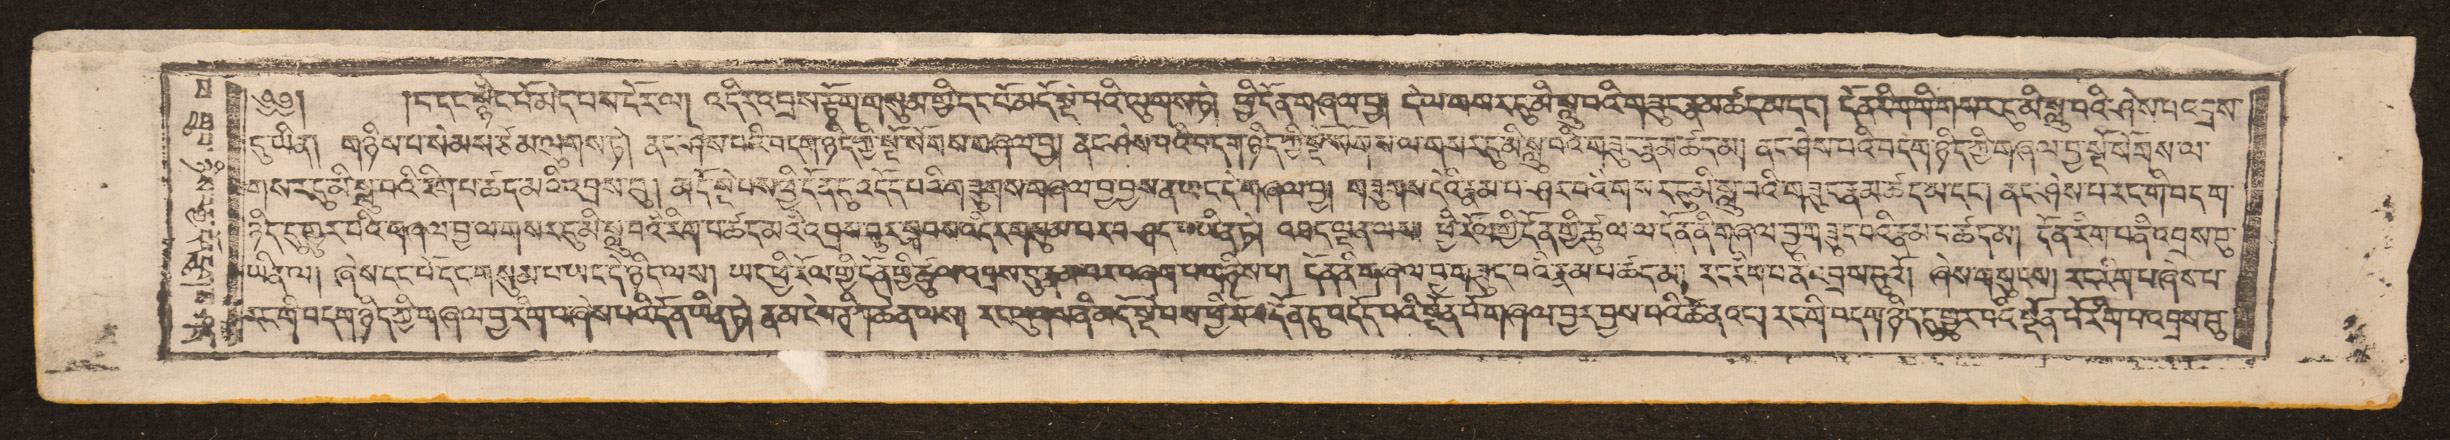༄༅། །ང་?་དང་སྙིང་པོ་མེད་པས་ངོར་ལ། འདིར་འབྲས་རྟོག་གསུམ་གྱི་དང་པོ་མདོ་སྡེ་པའི་ལུགས་ཏེ། ཕྱི་དོན་གཞལ་བྱ། དེ་ལ་གསར་དུ་མི་སླུ་བའི་གཟུང་རྣམ་ཚད་མ་དང་། དོན་རིག་གི་གསར་དུ་མི་སླུ་བའི་ཤེས་པ་འབྲས་
བུ་ཡིན། གཉིས་པ་སེམས་ཙམ་ལུགས་ཏེ། ནང་ཤེས་པའི་བདག་ཉིད་ཀྱི་སྔོ་སོགས་གཞལ་བྱ། ནང་ཤེས་པའི་བདག་ཉིད་ཀྱི་སྔོ་སོགས་ལ་གསར་དུ་མི་སླུ་བའི་གཟུང་རྣམ་ཚད་མ། ནང་ཤེས་པའི་བདག་ཉིད་ཀྱི་གཞལ་བྱ་སྔོ་སོགས་ལ་
གསར་དུ་མི་སླུ་བའི་རིག་པ་ཚད་མའི་འབྲས་བུ། མདོ་སྡེ་པས་ཕྱི་དོན་དུ་འདོད་པའི་གཟུགས་གཞལ་བྱ་བྱས་ན་ཡང་དེ་གཞལ་བྱ། གཟུགས་དེའི་རྣམ་པ་ཤར་བའི་གསར་དུ་མི་སླུ་བའི་གཟུང་རྣམ་ཚད་མ་དང་། ནང་ཤེས་པ་རང་གི་བདག་
ཉིད་དུ་གྱུར་པའི་གཞལ་བྱ་ལ་གསར་དུ་མི་སླུ་བའི་རིག་པ་ཚད་མའི་འབྲས་བུར་སྐབས་འདིར་གསུམ་པར་བཤད་པ་ཡིན་ཏེ། འཐད་ལྡན་ལས། ཕྱི་རོལ་གྱི་དོན་གྱི་ཚུལ་ལ་དོན་ནི་གཞལ་བྱ་གཟུང་བའི་རྣམ་པ་ཚད་མ། དོན་རིག་པ་ནི་འབྲས་བུ་
ཡིན་ལ། ཞེས་དང་པོ་དང་གསུམ་པ་ཡང་དེ་ཉིད་ལས། ཡང་ཕྱི་རོལ་གྱི་དོན་ཕྱི་ཚུལ་འབྲས་བུ་རྣམ་པར་བཞག་པ་གཉིས་པ། དོན་ནི་གཞལ་བྱ་གཟུང་བའི་རྣམ་པ་ཚད་མ། རང་རིག་པ་ནི་འབྲས་བུའོ། ཞེས་གསུངས། རང་རིག་པ་ཞེས་པ་
རང་གི་བདག་ཉིད་ཀྱི་གཞལ་བྱ་རིག་པ་ཞེས་པའི་དོན་ཡིན་ཏེ། རྣམ་ངེས་ཊིཀ་ཆེན་ལས། རང་ལུགས་ནི་མདོ་སྡེ་པས་ཕྱི་རོལ་དོན་དུ་འདོད་པའི་སྔོན་པོ་གཞལ་བྱར་བྱས་པའི་ཚེན་?་འང་། རང་གི་བདག་ཉིད་དུ་གྱུར་པའི་སྔོན་པོ་རིག་པ་འབྲས་བུ་